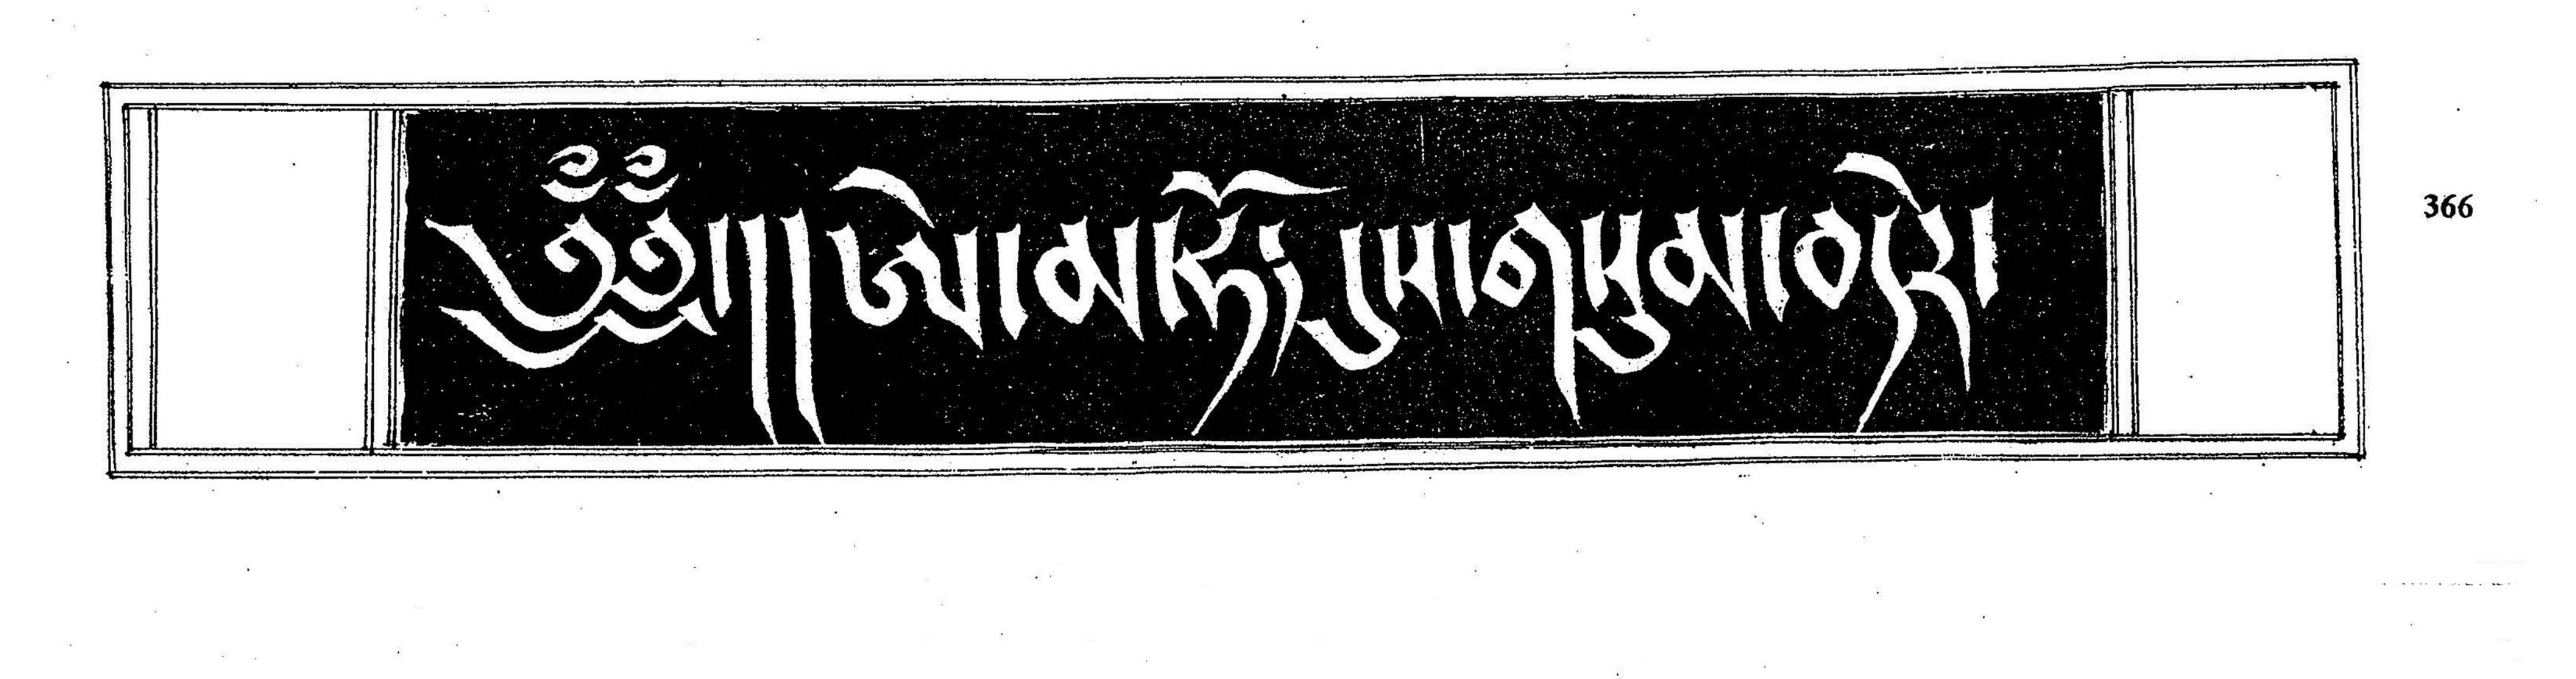༄༅།། ཨེ་མ་ཧོ དུས་གསུམ་བདེར།